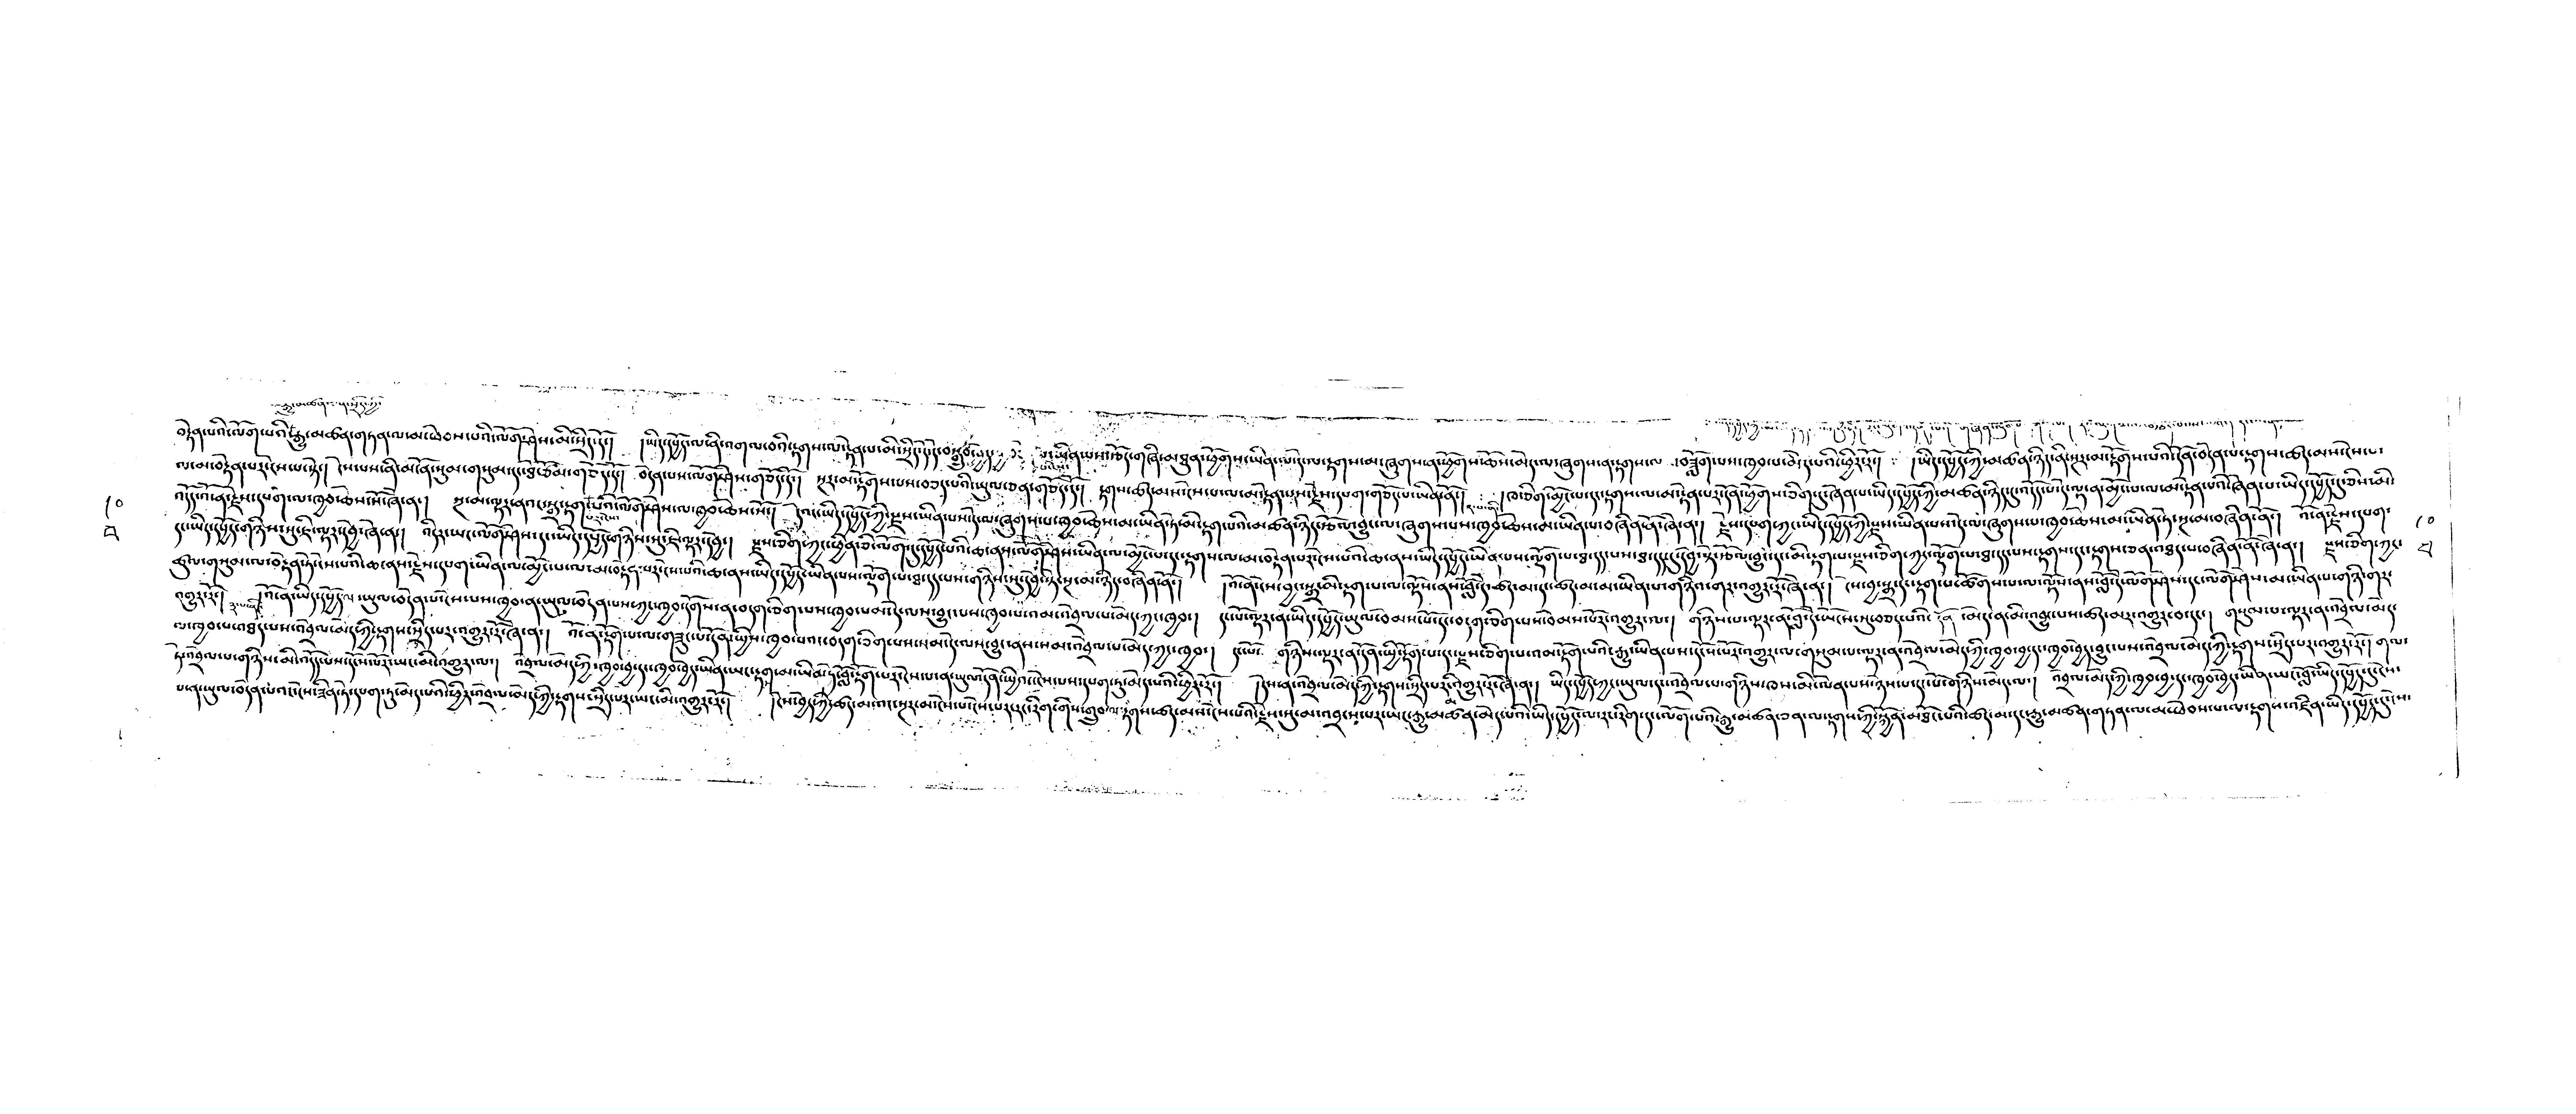བརྟེན་པའི་ལོག་པའི་རྒྱུ་མཚན་གཏན་ལ་མ་ཕེབས་པའི་ལོག་ཤེས་མི་སྲིད་དོ། །ཡིད་དཔྱོད་ལ་ནི་འགལ་བའི་རྟགས་ལ་རྟེན་པ་མི་སྲིད་དེ། དེ་བསྒྲུབ་བྱ་བདེན་པ་ངེས་པ་ཡིན་པས་རྩོད་གཞི་མཐུན་ཕྱོགས་ཡིན་པ་དེ་ལ་རྟགས་མ་ཞུགས་ན་ཕྱོགས་ཆོས་མེད་ལ་ཞུགས་ན་རྟགས་ལ་བཟློག་པས་ཁྱབ་པ་མེད་པའི་ཕྱིར་རོ། །ཡིད་དཔྱོད་ཀྱི་མཚན་ཉིད་ནི་སྔར་མ་རྟོགས་པའི་དོན་བདེན་པ་རྟགས་ཚད་མས་ངེས་པ་
ལ་མ་བརྟེན་པར་ངེས་པ་སྟེ། ངེས་པས་ནི་མངོན་སུམ་གསུམ་དང་ཐེ་ཙོམ་གཅོད་དོ། བདེན་པས་ལོག་ཤེས་གཅོད་དོ། སྔར་མ་རྟོགས་པས་བཅད་པའི་ཡུལ་ཅན་གཅོད་དོ། རྟགས་ཚད་མས་ངེས་པ་ལ་མ་རྟེན་པས་རྗེས་དཔག་གཅོད་པ་ཡིན་ནོ། །ཁ་ཅིག་མྱོང་པ་དང་རྟགས་ལ་མ་རྟེན་པར་དོན་ཕྱོགས་ཅིག་དུ་ཞེན་པ་ཡིད་དཔྱོད་ཀྱི་མཚན་ཉིད་དུ་འདོད་པ་དེ་ལྟ་ན་མྱོང་པ་ལ་མ་རྟེན་པའི་ཞེན་པ་ཡིད་དཔྱོད་དུ་རྩིས་མི་
འདོད་འོ་ན་རྗེས་དཔག་ལ་ཁྱབ་ཆོས་སོ་ཞེ་ན། སྔ་མ་ལྟར་ནའང་སྒྲ་རྟག་པར་ངེས་པའི་ལོག་ཤེས་ལ་ཁྱབ་ཆོས་སོ། དེའང་ཡིད་དཔྱོད་ཀྱི་རྫས་ཡིན་པས་དེ་མ་ཞུགས་པ་ཁྱབ་ཆོས་མ་ཡིན་ཏེ་མི་རྟག་པའི་མཚན་ཉིད་རྩོལ་འབྱུང་ལ་ཞུགས་པས་ཁྱབ་ཆོས་མ་ཡིན་པ་བཞིན་ནོ་ཞེ་ན། རྗེས་དཔག་ཀྱང་ཡིད་དཔྱོད་ཀྱི་རྫས་ཡིན་པས་དེ་ལ་ཞུགས་པ་ཁྱབ་ཆོས་མ་ཡིན་ཏེ་སྔ་མ་བཞིན་ནོ། འོ་ན་རྗེས་དཔག་
དང་ཡིད་དཔྱོད་གཉིས་སུ་ཇི་ལྟར་དབྱེ་ཞེ་ན། འདིར་ཡང་ལོག་ཤེས་དང་ཡིད་དཔྱོད་གཉིས་སུ་ཇི་ལྟར་དབྱེ། རྫས་ཅིག་ཀྱང་ཕྱིན་ཅི་ལོག་དུ་དཔྱོད་པའི་ཆ་ནས་ལོག་ཤེས་ཡིན་ལ་མྱོང་པ་དང་རྟགས་ལ་མ་བརྟེན་པར་ངེས་པའི་ཆ་ནས་ཡིད་དཔྱོད་ཡིན་པས་ལྡོག་པ་ཐ་དད་པས་ཐ་དད་དུ་དབྱེ་སྟེ་རྩོལ་བྱུང་དང་མི་རྟག་པ་རྫས་ཅིག་ཀྱང་ལྡོག་པ་ཐ་དད་པས་རྟགས་དང་རྟགས་ཅན་འཐད་པ་བཞིན་ནོ་ཞེ་ན། རྫས་ཅིག་ཀྱང་
ཚུལ་གསུམ་ལ་བརྟེན་ཏེ་ངེས་པའི་ཆ་ནས་རྗེས་དཔག་ཡིན་ལ་མྱོང་པ་ལ་མ་བརྟེན་པར་ངེས་པའི་ཆ་ནས་ཡིད་དཔྱོད་ཡིན་པས་ལྡོག་པ་ཐ་དད་པས་གཉིས་སུ་དབྱེ་སྟེ་སྔ་མ་ཉིད་བཞིན་ནོ། །འོ་ན་ངེས་བྱང་སྒྲ་མི་རྟག་པ་ལ་ལྟོས་ནས་བློ་དེ་ཚད་མ་དང་ཚད་མ་མ་ཡིན་པ་གཉིས་གར་འགྱུར་རོ་ཞེ་ན། ངེས་བྱ་སྒྲ་དང་རྟག་པ་ཚོགས་པ་ལ་ལྟོས་ནས་བློ་དེ་ལོག་ཤེས་དང་ལོག་ཤེས་མ་ཡིན་པ་གཉི་གར་
འགྱུར་རོ། །འོ་ན་ཡིད་དཔྱོད་ལ་ཡུལ་བདེན་པ་ངེས་པས་ཁྱབ་ན་ཡུལ་བདེན་པས་ཀྱང་ཁྱབ་དོགས་ན་བདག་ཅིག་པས་ཁྱབ་པ་མ་དེ་ལས་བྱུང་པས་ཁྱབ་པ་འམ་འབྲེལ་པ་མེད་ཀྱང་ཁྱབ། དང་པོ་ལྟར་ན་ཡིད་དཔྱོད་ཡུལ་བེམས་པོ་དང་བདག་ཅིག་པས་བེམས་པོར་འགྱུར་ལ། གཉིས་པ་ལྟར་ན་བློ་དེ་ཡོངས་སུ་བཅད་པའི་དོན་མེད་ན་མི་འབྱུང་པས་ཚད་མར་འགྱུར་བ་དང་། གསུམ་པ་ལྟར་ན་འབྲེལ་མེད་
ལ་ཁྱབ་པ་འཐད་པས་འབྲེལ་མེད་ཀྱི་རྟགས་སྲིད་པར་འགྱུར་རོ་ཞེ་ན། འོ་ན་རྟོག་པ་ལ་གཟུང་པ་དོན་སྤྱིས་ཁྱབ་པའང་བདག་ཅིག་པས་སམ་དེ་ལས་བྱུང་ནས་སམ་འབྲེལ་པ་མེད་ཀྱང་ཁྱབ། དང་པོ་གཉིས་ལྟར་ན་དོན་སྤྱི་རྟོག་པ་དང་རྫས་ཅིག་པ་འམ་རྟོག་པའི་རྒྱུ་ཡིན་པས་དངོས་པོར་འགྱུར་ལ་གསུམ་པ་ལྟར་ན་འབྲེལ་མེད་ཀྱི་ཁྱབ་བྱ་དང་ཁྱབ་བྱེད་བྱུང་པས་འབྲེལ་མེད་ཀྱི་རྟགས་སྲིད་པར་འགྱུར་རོ། གལ་
ཏེ་འབྲེལ་པ་གཉིས་མི་འདོད་པས་དངོས་པོར་ཡང་མི་འགྱུར་ལ། འབྲེལ་མེད་ཀྱི་ཁྱབ་བྱ་དང་ཁྱབ་བྱེད་ཡིན་ཡང་རྟག་མ་ཡི་མདོ་བློ་རྟོག་པར་ངེས་པ་ན་ཡུལ་དོན་སྤྱིའང་ངེས་པས་དཔག་ཏུ་མེད་པའི་ཕྱིར་རོ། །དེས་ན་འབྲེལ་མེད་ཀྱི་རྟགས་སྲིད་པར་མི་འགྱུར་རོ་ཞེ་ན། ཡིད་དཔྱོད་ཀྱང་ཡུལ་དང་འབྲེལ་པ་གཉིས་ཁས་མི་ལེན་པས་ཉེས་པ་དང་པོ་གཉིས་མེད་ལ། འབྲེལ་མེད་ཀྱི་ཁྱབ་བྱ་དང་ཁྱབ་བྱེད་ཡིན་ཡང་བློ་ཡིད་དཔྱོད་དུ་ངེས་
པ་ན་ཡུལ་བདེན་པའང་ངེས་ཟིན་ཏེ་དཔག་ཏུ་མེད་པའི་ཕྱིར་འབྲེལ་མེད་ཀྱི་རྟགས་སྲིད་པར་ཡང་མི་འགྱུར་རོ། །ངེས་བྱེད་ཀྱི་ཚད་མའང་སྔར་མ་ངེས་པ་ངེས་པར་རང་རིག་གིས་གྲུབ་ལ་རྟགས་ཚད་མས་ངེས་པའི་རྗེས་སུ་མ་འབྲངས་པར་ཡང་རྒྱུ་མཚན་མེད་པའི་ཡིད་དཔྱོད་ལ་རང་རིག་དང་ལོག་པའི་རྒྱུ་མཚན་ཅན་ལ་རྟགས་ཀྱི་སྐྱོན་མཐོང་པའི་ཚད་མ་དང་རྒྱུ་མཚན་གཏན་ལ་མ་ཕེབས་པ་ལ་རྟགས་འཛིན་ཡིད་དཔྱོད་དུ་ངེས་